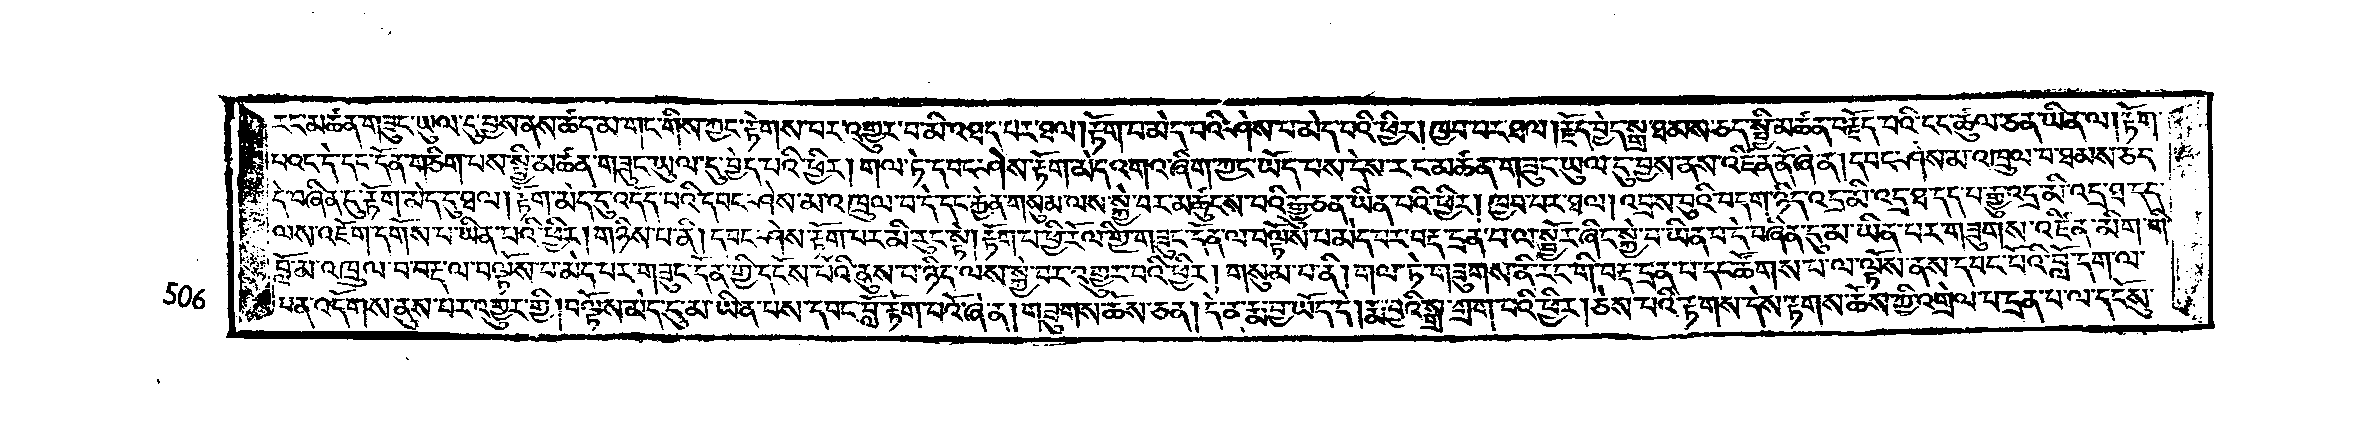རང་མཚན་གཟུང་ཡུལ་དུ་བྱས་ནས་ཚད་མ་གང་གིས་ཀྱང་རྟོགས་པར་འགྱུར་བ་མི་འཐད་པར་ཐལ། རྟོག་པ་མེད་པའི་ཤེས་པ་མེད་པའི་ཕྱིར། ཁྱབ་པར་ཐལ། རྗོད་བྱེད་སྒྲ་ཐམས་ཅད་སྤྱི་མཚན་བརྗོད་པའི་ངང་ཚུལ་ཅན་ཡིན་ལ། རྟོག་
པའང་དེ་དང་དོན་གཅིག་པས་སྤྱི་མཚན་གཟུང་ཡུལ་དུ་བྱེད་པའི་ཕྱིར། གལ་ཏེ་དབང་ཤེས་རྟོག་མེད་འགའ་ཞིག་ཀྱང་ཡོད་པས་དེས་རང་མཚན་གཟུང་ཡུལ་དུ་བྱས་ནས་འཛིན་ནོ་ཞེ་ན། དབང་ཤེས་མ་འཁྲུལ་བ་ཐམས་ཅད་
དེ་བཞིན་དུ་རྟོག་མེད་དུ་ཐལ། རྟོག་མེད་དུ་འདོད་པའི་དབང་ཤེས་མ་འཁྲུལ་བ་དེ་དང་རྐྱེན་གསུམ་ལས་སྐྱེ་བར་མཚུངས་པའི་རྒྱུ་ཅན་ཡིན་པའི་ཕྱིར། ཁྱབ་པར་ཐལ། འབྲས་བུའི་བདག་ཉིད་འདྲ་མི་འདྲ་ཐ་དད་པ་རྒྱུ་འདྲ་མི་འདྲ་ཐ་དད་
ལས་འཇོག་དགོས་པ་ཡིན་པའི་ཕྱིར། གཉིས་པ་ནི། དབང་ཤེས་རྟོག་པར་མི་རུང་སྟེ། རྟོག་པ་ཕྱི་རོལ་གྱི་གཟུང་དོན་ལ་བལྟོས་པ་མེད་པར་བརྡ་དྲན་པ་ལ་སྦྱོར་ཞིང་སྐྱེ་བ་ཡིན་པ་དེ་བཞིན་དུ་མ་ཡིན་པར་གཟུགས་འཛིན་མིག་གི་
བློ་མ་འཁྲུལ་བ་བརྡ་ལ་བལྟོས་པ་མེད་པར་གཟུང་དོན་གྱི་དངོས་པོའི་ནུས་པ་ཉིད་ལས་སྐྱེ་བར་འགྱུར་བའི་ཕྱིར། གསུམ་པ་ནི། གལ་ཏེ་གཟུགས་ནི་རང་གི་བརྡ་དྲན་པ་དང་ཚོགས་པ་ལ་ལྟོས་ནས་དབང་པོའི་བློ་དག་ལ་
ཕན་འདོགས་ནུས་པར་འགྱུར་གྱི། བལྟོས་མེད་དུ་མ་ཡིན་པས་དབང་བློ་རྟོག་པའོ་ཞེ་ན། གཟུགས་ཆོས་ཅན། དེ་ན་རྨ་བྱ་ཡོད་དེ། རྨ་བྱའི་སྒྲ་གྲག་པའི་ཕྱིར། ཅེས་པའི་རྟགས་དེས་རྟགས་ཆོས་ཀྱི་འགྲེལ་པ་དྲན་པ་ལ་དངོས་སུ་